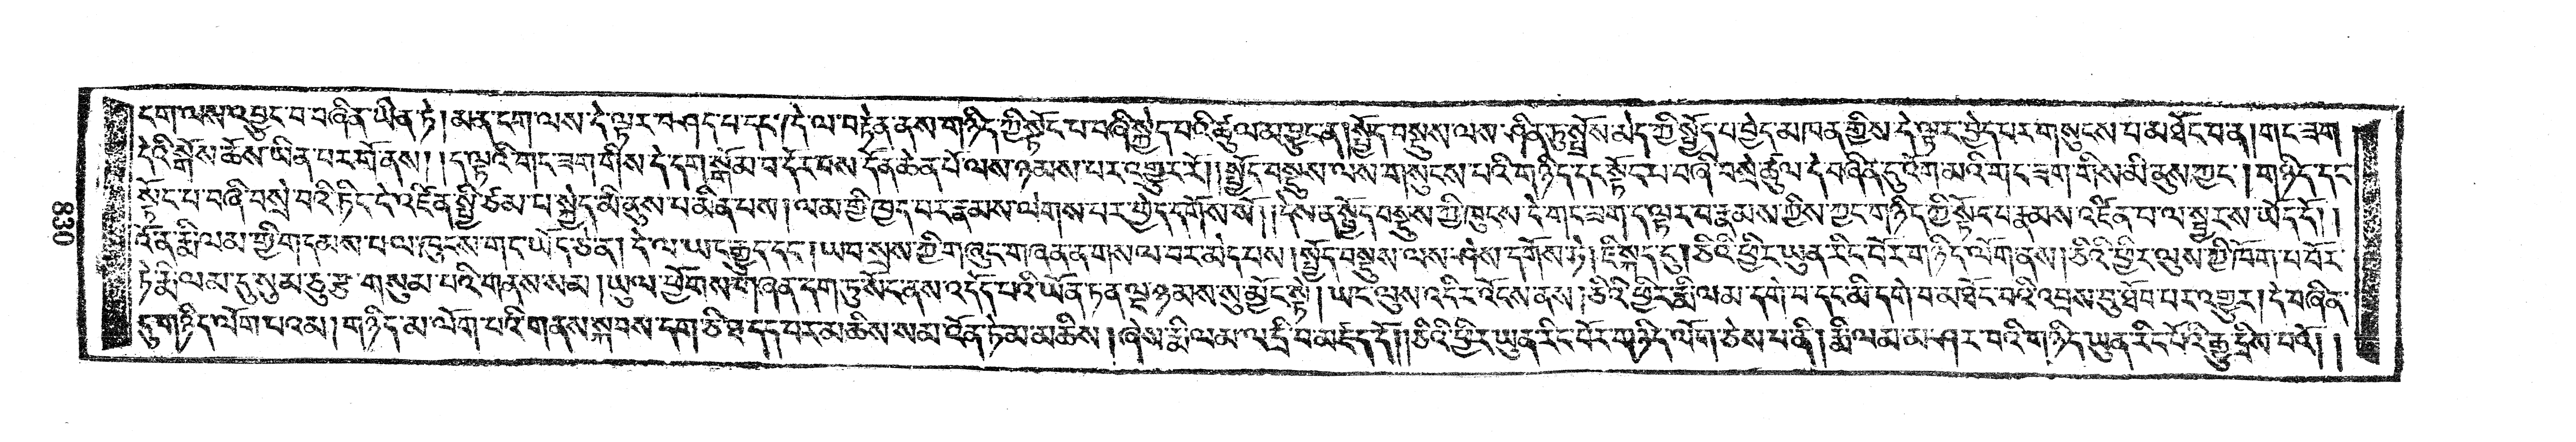ངག་ལས་འབྱུང་བ་བཞིན་ཡིན་ཏེ། མན་ངག་ལས་དེ་ལྟར་བཤད་པ་དང་། དེ་ལ་བརྟེན་ནས་གཉིད་ཀྱི་སྟོང་པ་བཞི་སྐྱེད་པའི་ཚུལ་མ་བྱུང་ན། སྤྱོད་བསྡུས་ལས་ཤིན་ཏུ་སྤྲོས་མེད་ཀྱི་སྤྱོད་པ་བྱེད་མཁན་གྱིས་དེ་ལྟར་བྱེད་པར་གསུངས་པ་མཐོང་བ་ན། གང་ཟག་
དེའི་སྒོས་ཆོས་ཡིན་པར་གོ་ནས། །ད་ལྟའི་གང་ཟག་གིས་དེ་དག་སྒོམ་པ་དོར་བས་དོན་ཆེན་པོ་ལས་ཉམས་པར་འགྱུར་རོ། །སྤྱོད་བསྡུས་ལས་གསུངས་པའི་གཉིད་དང་སྟོང་པ་བཞི་བསྲེ་ཚུལ་དེ་བཞིན་དུ་འོག་མའི་གང་ཟག་གིས་མི་ནུས་ཀྱང་། །གཉིད་དང་
སྟོང་པ་བཞི་བསྲེ་བའི་ཏིང་དེ་འྮིན་སྤྱི་ཙམ་པ་སྐྱེད་མི་ནུས་པ་མིན་པས། །ལམ་གྱི་ཁྱད་པར་རྣམས་ལེགས་པར་ཕྱེད་དགོས་སོ། །དེས་ན་སྤྱོད་བསྡུས་ཀྱི་ཁུངས་དེ་གང་ཟག་ད་ལྟར་བ་རྣམས་ཀྱིས་ཀྱང་གཉིད་ཀྱི་སྟོང་པ་རྣམས་འཛིན་པ་ལ་སྦྱར་ས་ཡོད་དོ། །
འོ་ན་རྨི་ལམ་གྱི་གདམས་པ་ལ་ཁུངས་གང་ཡོད་ཅེ་ན། དེ་ལ་ཡང་རྒྱུད་དང་། ཡབ་སྲས་ཀྱི་གཞུང་གཞན་ན་གསལ་བར་མེད་པས། སྤྱོད་བསྡུས་ལས་ཤེས་དགོས་ཏེ། ཇི་སྐད་དུ། ཅིའི་ཕྱིར་ཡུན་རིང་པོར་གཉིད་ལོག་ནས། ཅིའི་ཕྱིར་ལུས་ཀྱི་ཁོག་པ་བོར་
ཏེ་རྨི་ལམ་དུ་སུམ་ཅུ་རྩ་གསུམ་པའི་གནས་སམ། ཡུལ་ཕྱོགས་གཞན་དག་ཏུ་སོང་ནས་འདོད་པའི་ཡོན་ཏན་ལྔ་ཉམས་སུ་མྱོང་སྟེ། །ཡང་ལུས་འདིར་འོངས་ནས། ཅིའི་ཕྱིར་རྨི་ལམ་དགེ་བ་དང་མི་བ་མཐོང་བའི་འབྲས་བུ་ཐོབ་པར་འགྱུར། དེ་བཞིན་
དུ་གཉིད་ལོག་པའམ། གཉིད་མ་ལོག་པའི་གནས་སྐབས་དག་ཅི་ཐ་དད་པར་མཆིས་སམ་འོན་ཏེ་མ་མཆིས། ཞེས་རྨི་ལམ་ལ་དྲི་བ་མཛད་དོ། །ཅིའི་ཕྱིར་ཡུན་རིང་པོར་གཉིད་ལོག་ཅེས་པ་ནི། རྨི་ལམ་མ་ཤར་བའི་གཉིད་ཡུན་རིང་པོའི་རྒྱུ་དྲིས་པའོ། །